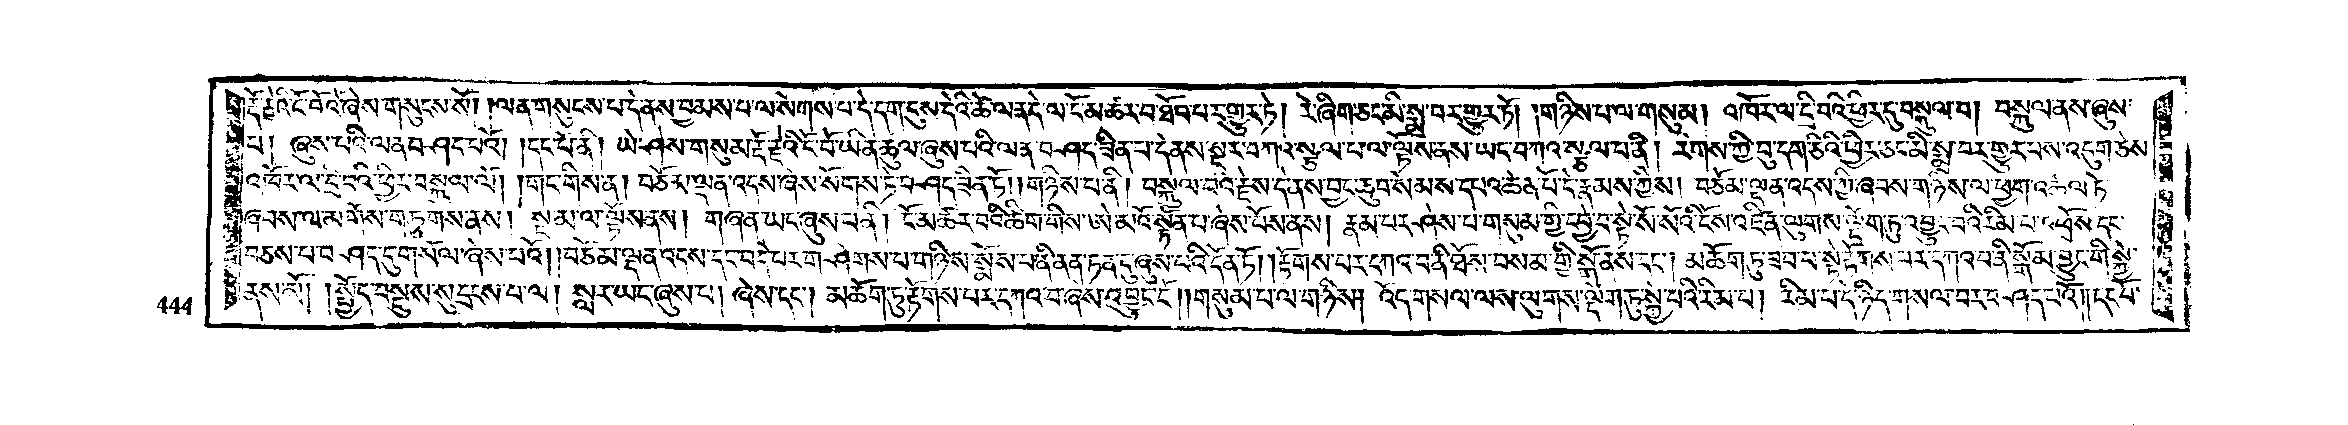རྡོ་རྗེའི་ངོ་བོའི་ཞེས་གསུངས་སོ། །ལན་གསུངས་པ་དེ་ནས་བྱམས་པ་ལ་སོགས་པ་དེ་དག་དུས་དེའི་ཚེ་ལན་དེ་ལ་ངོ་མཚར་བ་ཐོབ་པར་གྱུར་ཏེ། རེ་ཞིག་ཅང་མི་སྨྲ་བར་གྱུར་ཏོ། །གཉིས་པ་ལ་གསུམ། འཁོར་ལ་དྲི་བའི་ཕྱིར་དུ་བསྐུལ་བ། བསྐུལ་ནས་ཞུས་
པ། ཞུས་པའི་ལན་བཤད་པའོ། །དང་པོ་ནི། ཡེ་ཤེས་གསུམ་རྡོ་རྗེའི་ངོ་བོ་ཡིན་ཚུལ་ཞུས་པའི་ལན་བཤད་ཟིན་པ་དེ་ནས་སྔར་བཀའ་སྩལ་པ་ལ་ལྟོས་ནས་ཡང་བཀའ་སྩལ་པ་ནི། རིགས་ཀྱི་བུ་དག་ཅིའི་ཕྱིར་ཅང་མི་སྨྲ་བར་གྱུར་པས་འདུག་ཅེས་
འཁོར་ལ་དྲི་བའི་ཕྱིར་བསྐུལ་ལོ། །གང་གིས་ན། བཅོམ་ལྡན་འདས་ཞེས་སོགས་ཏེ་བཤད་ཟིན་ཏོ། །གཉིས་པ་ནི། བསྐུལ་བའི་རྗེས་དེ་ནས་བྱང་ཆུབ་སེམས་དཔའ་ཆེན་པོ་དེ་རྣམས་ཀྱིས། བཅོམ་ལྡན་འདས་ཀྱི་ཞབས་གཉིས་ལ་ཕྱག་འཚལ་ཏེ་
ཞབས་ལ་མགོས་གཏུགས་ནས། སྔ་མ་ལ་ལྟོས་ནས། གཞན་ཡང་ཞུས་པ་ནི། ངོ་མཚར་བའི་ཚིག་གིས་ཨེ་མའོ་སྟོན་པ་ཞེས་པོས་ནས། རྣམ་པར་ཤེས་པ་གསུམ་གྱི་དབྱེ་བ་སྟེ་སོ་སོའི་ངོས་འཛིན་ལུགས་ལྡོག་ཏུ་འབྱུང་བའི་རིམ་པ་འཕྲོས་དང་
བཅས་པ་བཤད་དུ་གསོལ་ཞེས་པའོ། །བཅོམ་ལྡན་འདས་དང་བདེ་བར་གཤེགས་པ་གཉིས་སྨོས་པ་ནི་ནན་ཏན་དུ་ཞུས་པའི་དོན་ཏོ། །རྟོགས་པར་དཀའ་བ་ནི་ཐོས་བསམ་གྱི་སྒོ་ནས་དང་། མཆོག་ཏུ་ཟབ་པ་སྟེ་རྟོགས་པར་དཀའ་བ་ནི་སྒོམ་བྱུང་གི་སྒོ་
ནས་སོ། །སྤྱོད་བསྡུས་སུ་དྲངས་པ་ལ། སླར་ཡང་ཞུས་པ། ཞེས་དང་། མཆོག་ཏུ་རྟོགས་པར་དཀའ་བ་ཞེས་འབྱུང་ངོ། །གསུམ་པ་ལ་གཉིས། འོད་གསལ་ལས་ལུགས་ལྡོག་ཏུ་སྐྱེ་པའི་རིམ་པ། རིམ་པ་དེ་ཉིད་གསལ་བར་བཤད་པའོ། །དང་པོ་